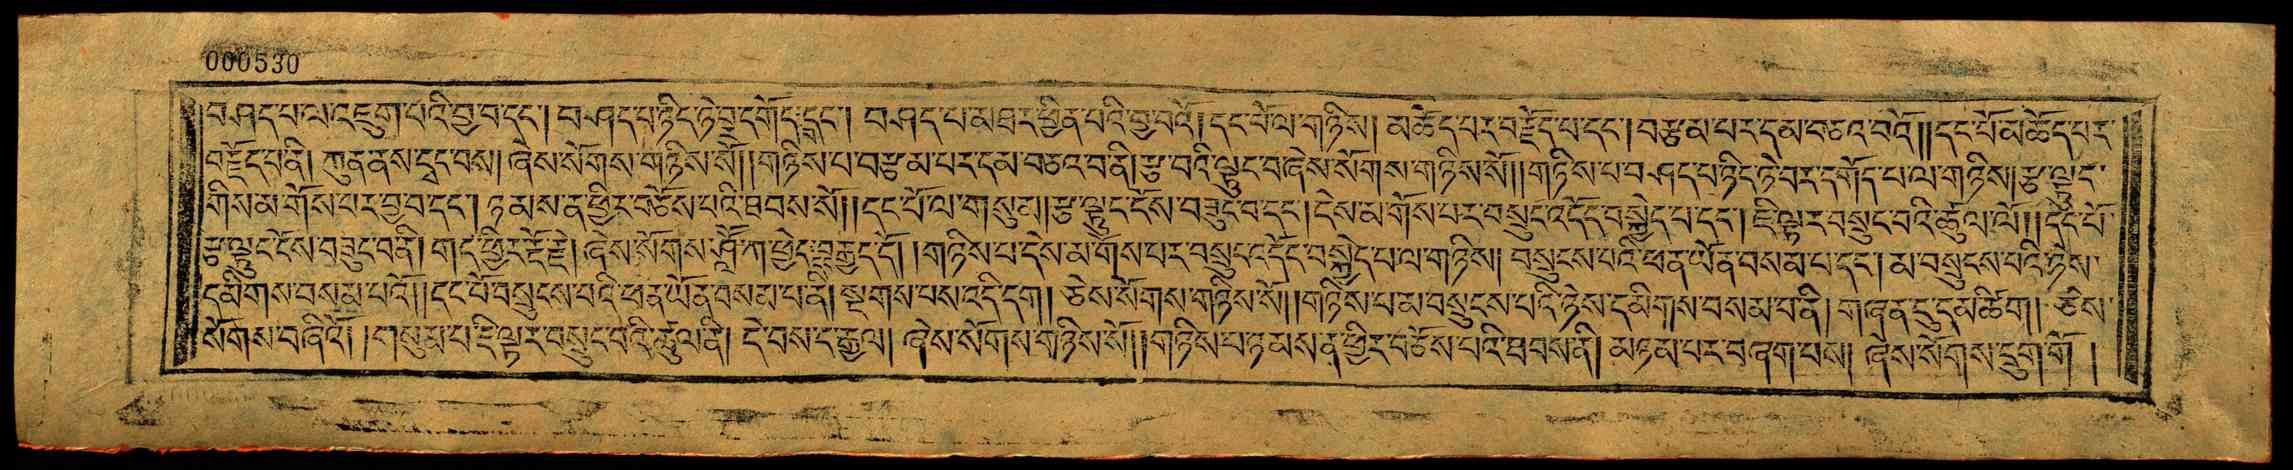བཤད་པ་ལ་འཇུག་པའི་བྱ་བ་དང་། བཤད་པ་ཉིད་ཉེ་བར་དགོད་པ་དང་། བཤད་པ་མཐར་ཕྱིན་པའི་བྱ་བའོ། དང་པོ་ལ་གཉིས། མཆོད་པར་བརྗོད་པ་དང་། བརྩམ་པར་དམ་བཅའ་བའོ། །དང་པོ་མཆོད་བར་
བརྗོད་པ་ནི། ཀུན་ནས་དྭང་བས། ཞེས་སོགས་གཉིས་སོ། །གཉིས་པ་བརྩམ་པར་དམ་བཅའ་བ་ནི། རྩ་བའི་ལྟུང་བ་ཞེས་སོགས་གཉིས་སོ། །གཉིས་པ་བཤད་པ་ཉིད་ཉེ་བར་དགོད་པ་ལ་གཉིས། རྩ་ལྟུང་
གིས་མ་གོས་པར་བྱ་བ་དང་། ཉམས་ན་ཕྱིར་བཅོས་པའི་ཐབས་སོ། །དང་པོ་ལ་གསུམ། རྩ་ལྟུང་ངོས་བཟུང་བ་དང་། དེས་མ་གོས་པར་བསྲུང་འདོད་བསྐྱེད་པ་དང་། ཇི་ལྟར་བསྲུང་བའི་ཚུལ་ལོ། །དང་པོ་
རྩ་ལྟུང་ངོས་བཟུང་བ་ནི། གང་ཕྱིར་རྡོ་རྗེ། ཞེས་སོགས་ཤླཽ་ཀ་ཕྱེད་དང་བརྒྱད་དོ། །གཉིས་པ་དེས་མ་གོས་པར་བསྲུང་འདོད་བསྐྱེད་པ་ལ་གཉིས། བསྲུངས་པའི་ཕན་ཡོན་བསམ་པ་དང་། མ་བསྲུངས་པའི་ཉེས་
དམིགས་བསམ་པའོ། །དང་པོ་བསྲུངས་པའི་ཕན་ཡོན་བསམ་པ་ནི། སྔགས་པས་འདི་དག །ཅེས་སོགས་གཉིས་སོ། །གཉིས་པ་མ་བསྲུངས་པའི་ཉེས་དམིགས་བསམ་པ་ནི། གཞན་དུ་དམ་ཚིག །ཅེས་སོགས་བཞིའོ། །གསུམ་པ་ཇི་ལྟར་བསྲུང་བའི་ཚུལ་ནི། དེ་བས་ང་རྒྱལ། ཞེས་སོགས་གཉིས་སོ། །གཉིས་པ་ཉམས་ན་ཕྱིར་བཅོས་པའི་ཐབས་ནི། མཉམ་པར་བཞག་པས། ཞེས་སོགས་དྲུག་གོ །